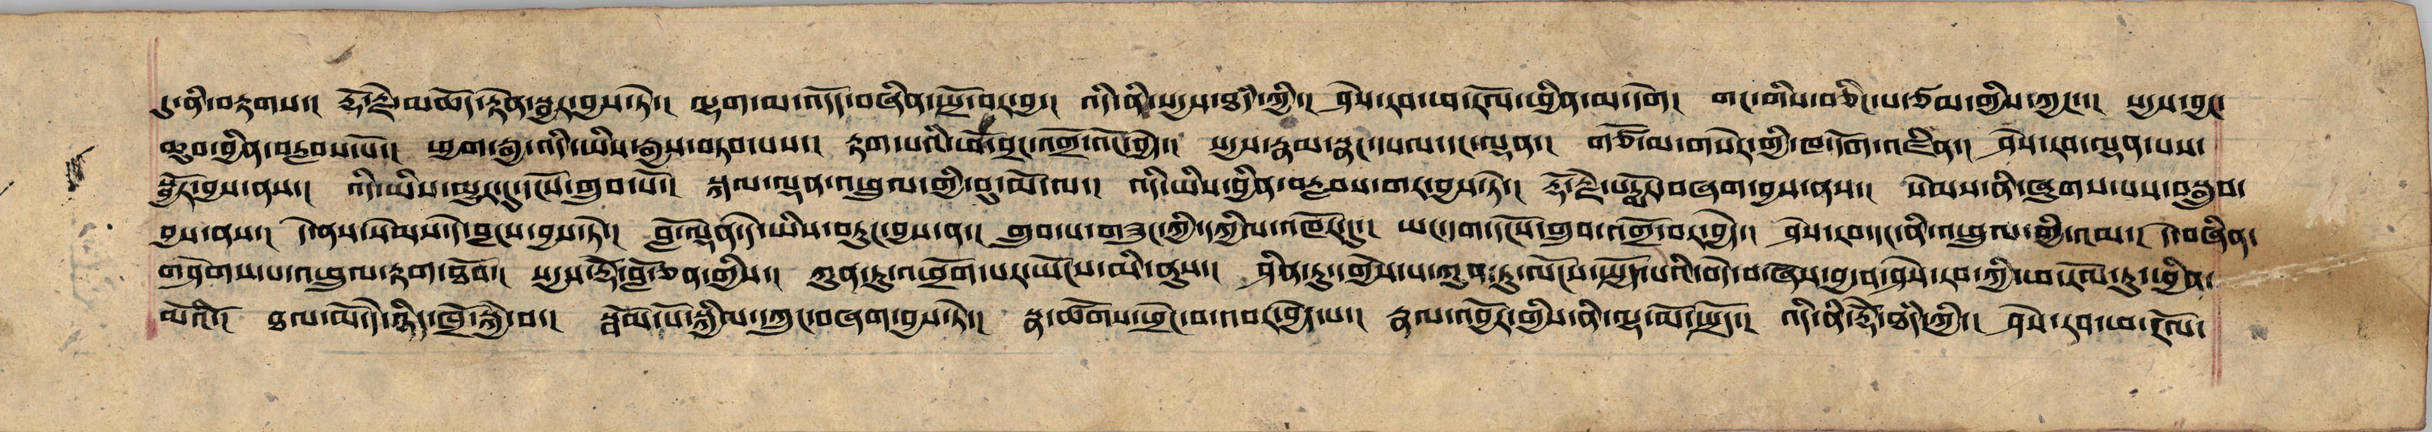དུ་ནི་བརྟགས་། རྡོ་རྗེ་མཆོད་རྟེན་སྦྱར་བྱས་ཏེ་། ལྷག་པ་འདོད་བཞིན་སྤྲོ་བར་བྱ་། འདི་ནི་སདྱས་ཐཾད་ཀྱི་། ཤེས་རབ་ཕ་རོལ་ཕྱིན་མ་དགེ། གང་གིས་བཅིང་པ་ཙམ་གྱིས་ཀྱང་་། སདྱས་བྱང་
ཆུབ་བྱིན་བརླབས་སོ་། ཕྱག་རྒྱ་འདི་ཡིས་རྒྱས་བཏབ་པས་། རྟག་པའི་ཕོ་བྲང་འགྲོ་འོང་བྱེད་། སདྱས་རྣམ་སྣང་དཔལ་དང་ལྡན་། གཙོ་མ་གསེར་གྱི་ཁ་དོག་འཛིན་། ཤེས་རབ་ལྡན་པས་
སྦྱོར་བྱས་ནས་། འདི་ཡིས་མྱུར་དུ་དངོས་གྲུབ་སོ་། སྐལ་ལྡན་འཕྲུལ་གྱི་བུ་མོ་ལ་། འདི་ཡིས་བྱིན་བརླབས་གར་བྱས་ཏེ་། རྡོ་རྗེ་པདྨོར་བཞག་བྱས་ནས་། སེམས་ནི་ཞུགས་པས་བསྒྲུབ་
བྱས་ནས་། དེ་ནས་སེམས་དེ་བླངས་བྱས་ཏེ་། བློ་ལྡན་དེ་ཡིས་བཏུང་བྱས་ན་། གྲུབ་པ་གཟུང་ཀྱི་དཀྱིལ་འཁོར་དུ་། ཡང་དག་དངོས་གྲུབ་འགྲོ་བར་བྱེད་། ཤེས་རབ་དང་ནི་འཕྲུལ་གྱི་འམ་། དེ་བཞིན་
གཤེགས་པ་འཕྲུལ་རྟག་ཐོབ་། སདྱས་རྡོེ་བློ་ཅན་གྱིས་། ཀུན་ཏུ་འཕྲོག་པར་ཡོངས་མི་ནུས་། ཤིན་ཏུ་དགྱེས་པ་ཀུན་ཏུ་ལོངས་སྤྱོད་པའི་བདེ་བ་ཞེས་བྱ་བ་ཤེས་རབ་ཀྱི་ཕ་རོལ་ཏུ་ཕྱིན་
མོའི་། ཐལ་མོ་དེ་ཉིད་ཁྲོ་སྐྱེ་བ་། སྦོམ་པོ་སྐྱིལ་དཀྲུང་བཞག་བྱས་ཏེ་། སྣ་ཚོགས་ཕྲེང་བ་འབར་བྱེད་པ་། རྣལ་འབྱོར་གྱིས་ནི་ལྷ་མོ་སྤྲོད་། འདི་ནི་རྡོེ་ཐཾད་ཀྱི་། ཤེས་རབ་ཕ་རོལ་